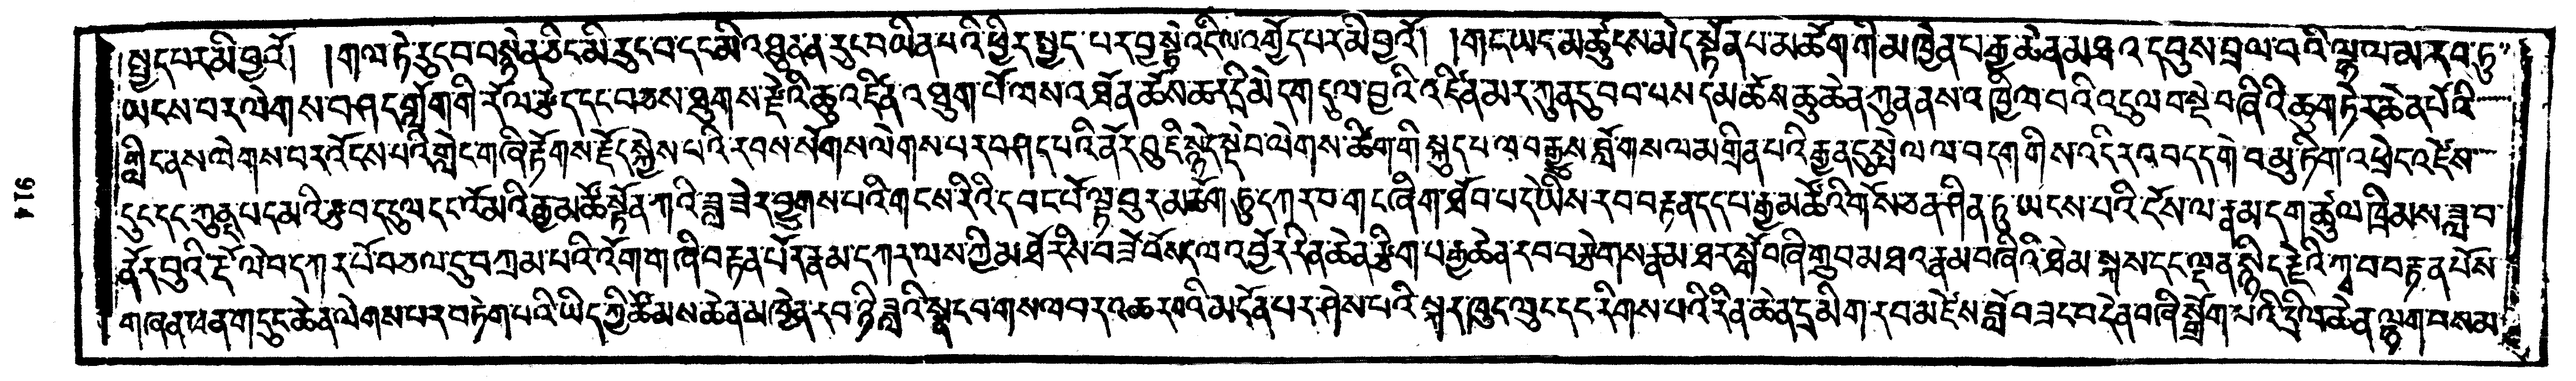སྤྱད་པར་མི་བྱའོ། །གལ་ཏེ་རུང་བ་བསྙེན་ཅིང་མི་རུང་བ་དང་མི་འཐུན་ན་རུང་བ་ཡིན་པའི་ཕྱིར་སྤྱད་པར་བྱ་སྟེ་འདི་ལ་འགྱོད་པར་མི་བྱའོ། །གང་ཡང་མཚུངས་མེད་སྟོན་པ་མཆོག་གི་མཁྱེན་པ་རྒྱ་ཆེན་མཐའ་དབུས་བྲལ་བའི་ལྷ་ལ་མ་རབ་ཏུ་
ཡངས་པར་ལེགས་བཤད་གློག་གི་རོལ་རྩེད་དང་བཅས་ཐུགས་རྫེའི་ཆུ་འཛིན་འཐུག་པོ་ལས་འཐོན་ཆར་དྲི་མེད་གདུལ་བྱའི་འཛིན་མར་ཀུན་དུ་བབ་པས་དམ་ཆོས་ཆུ་ཆེན་ཀུན་ནས་འཁྱིལ་བའི་འདུལ་བ་སྡེ་བཞིའི་ཆུ་གཏེར་ཆེན་པོའི་
གླིང་ནས་ལེགས་པར་འོངས་པའི་གླེང་གཞི་རྟོགས་རྗོད་སྐྱེས་པའི་རབས་སོགས་ལེགས་པར་བཤད་པའི་ནོར་བུ་ཇི་སྙེད་སྡེབ་ལེགས་ཚིག་གི་སྐུད་པ་ལ་བརྒྱུས་བློ་གསལ་མགྲིན་པའི་རྒྱན་དུ་སྤེལ་ལ་བདག་གིས་འདིར་འབད་དགེ་བ་མུ་ཏིག་འཕྲེང་འཛེས་
དུང་དང་ཀུནྡ་པད་མའི་རྩ་བ་དངུལ་དང་འོ་མའི་རྒྱ་མཚོ་སྟོན་ཀའི་ཟླ་ཟེར་བྱུགས་པའི་གངས་རིའི་དབང་པོ་ལྟ་བུར་མཆོག་ཏུ་དཀར་བ་གང་ཞིག་ཐོབ་པ་དེ་ཡིས་རབ་བརྟན་དད་པ་རྒྱ་མཚོའི་གོས་ཅན་ཤིན་ཏུ་ཡངས་པའི་ངོས་ལ་རྣམ་དག་ཚུལ་ཁྲིམས་ཟླ་བ་
ནོར་བུའི་རྡོ་ལེབ་དཀར་པོ་བཅལ་དུ་བཀྲམ་པའི་འོག་གཞི་བརྟན་པོར་རྣམ་དཀར་ལས་ཀྱི་མཐོ་རིས་བཟོ་བོས་དལ་འབྱོར་རིན་ཆེན་རྩིག་པ་རྒྱ་ཆེན་རབ་བརྩེགས་རྣམ་ཐར་སྒོ་བཞི་གྲུབ་མཐའ་རྣམ་བཞིའི་ཐེམ་སྐས་དང་ལྡན་སྙིང་རྗེའི་ཀྭ་བ་བརྟན་པོས་
གཞན་ཕན་གདུང་ཆེན་ལེགས་པར་བཏེག་པའི་ཡིད་ཀྱི་ཚོམས་ཆེན་མཁྱེན་རབ་ཉི་ཟླའི་སྣང་བ་གསལ་བར་འཆར་བའི་མངོན་པར་ཤེས་པའི་སྐར་ཁུང་ལུང་དང་རིགས་པའི་རིན་ཆེན་དྲ་མིག་རབ་མཛེས་བློ་བཟང་བདེན་བཞི་སྒྲོག་པའི་དྲིལ་ཆེན་ལྷག་བསམ་